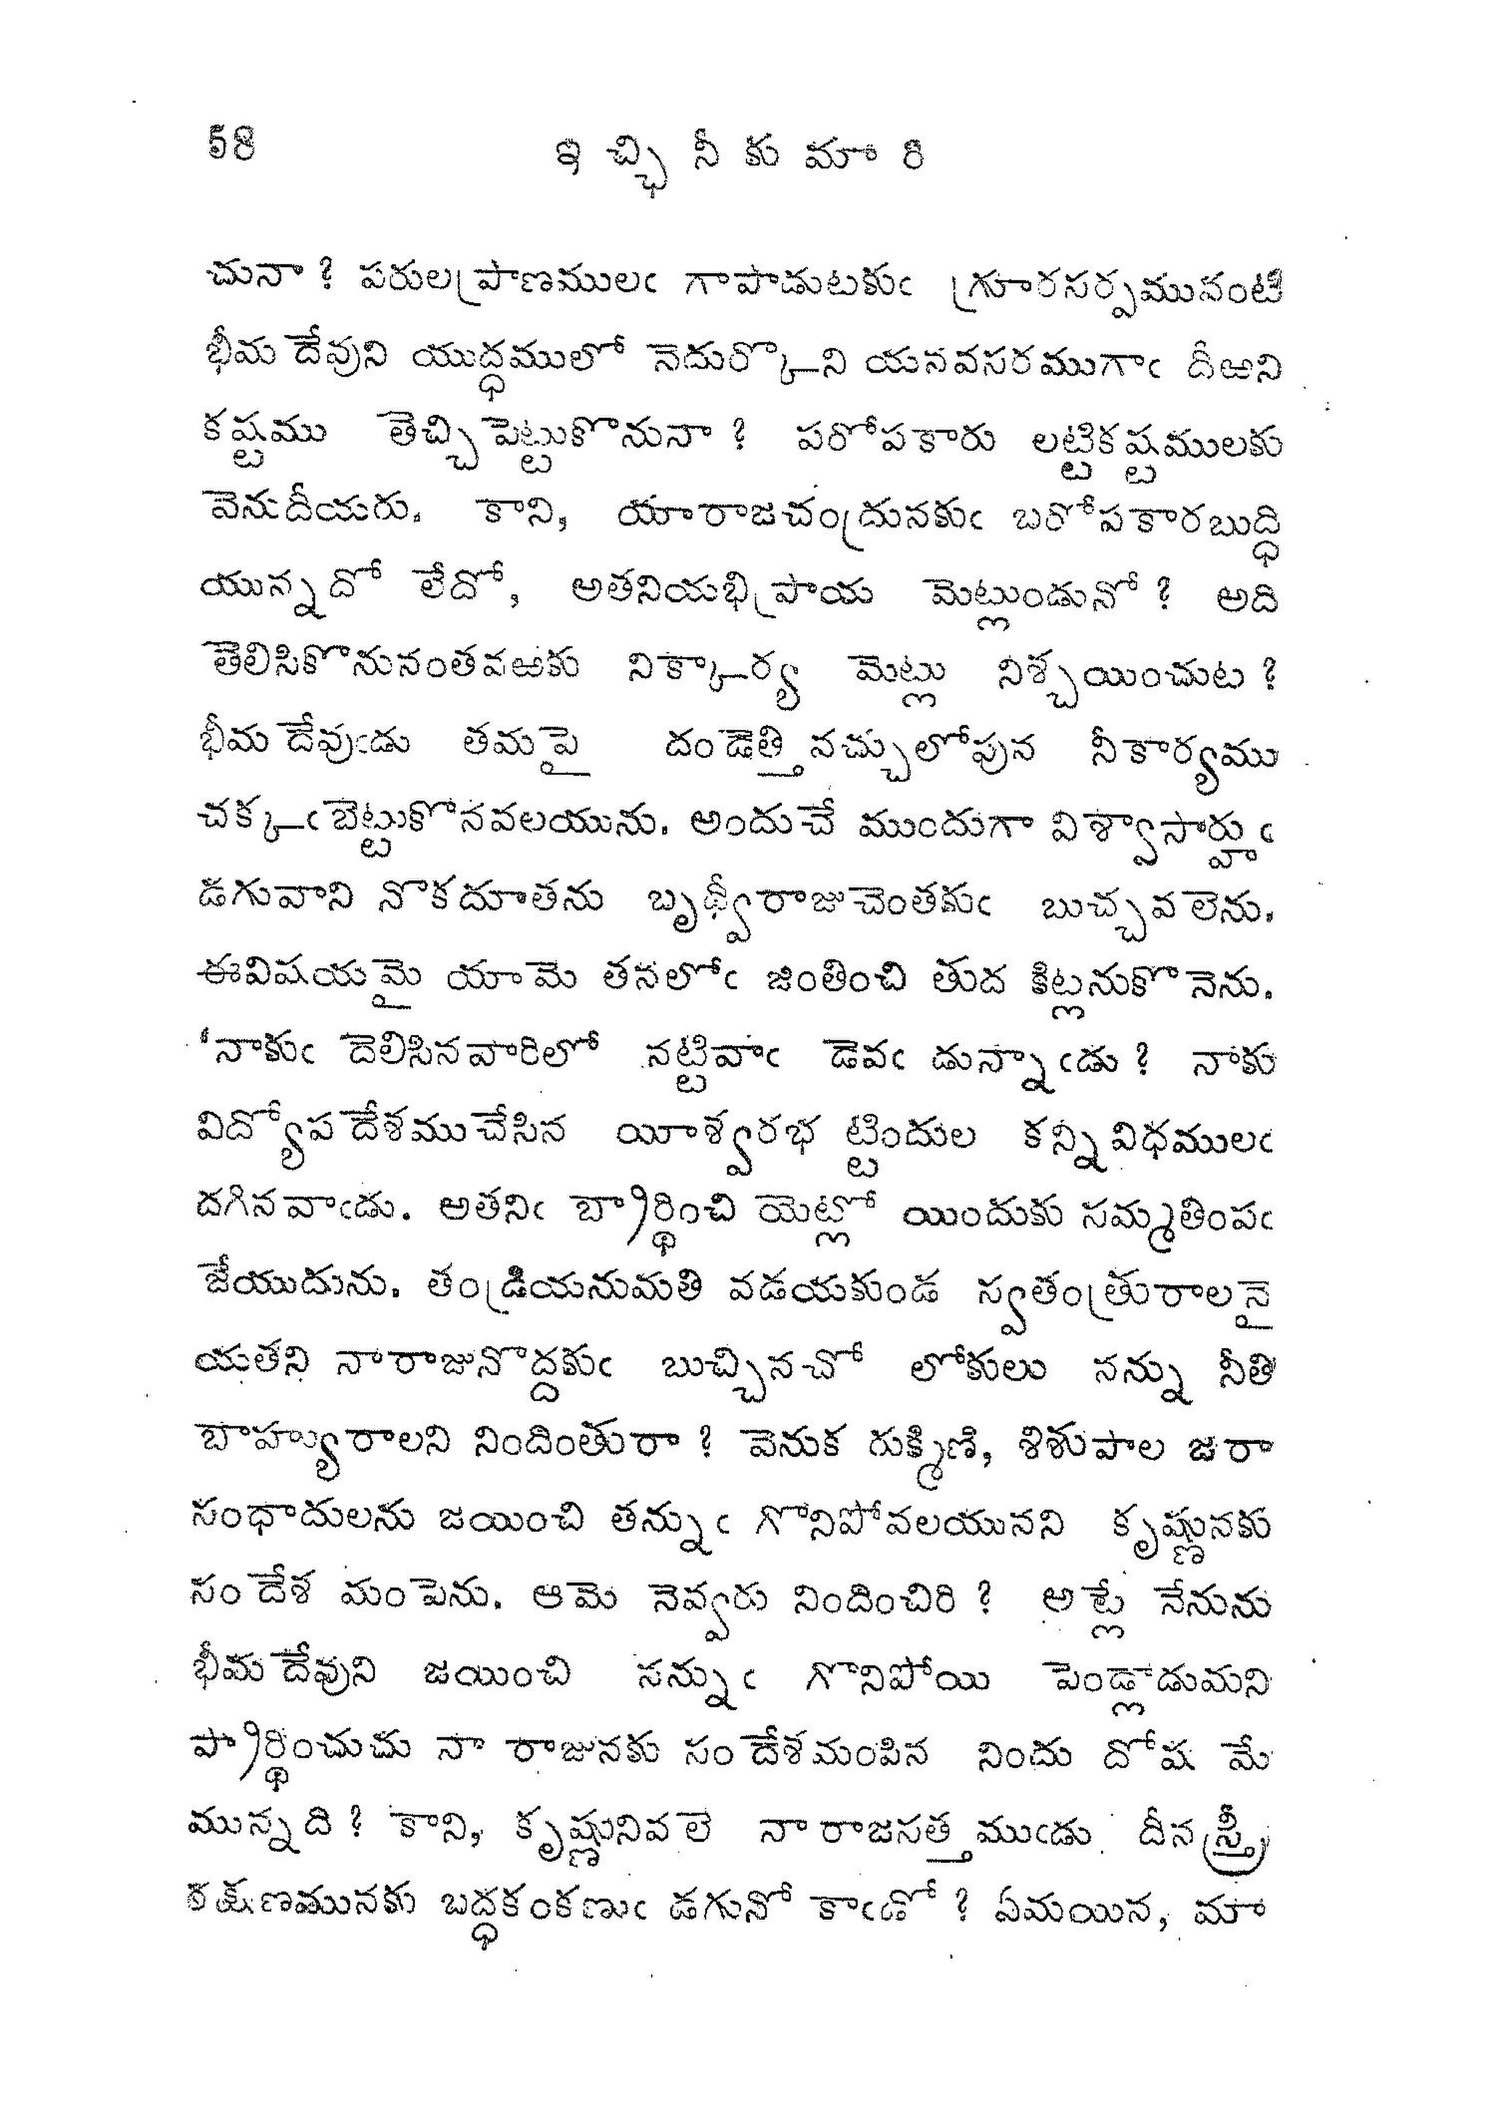చునా ? పరుల ప్రాణములఁ గాపాడుటకుఁ గ్రూరసర్పమువంటి భీమ దేవుని యుద్ధములో నెదుర్కొని యనవసరముగాఁ దీఱని కష్టము తెచ్చి పెట్టుకొనునా ! పరోపకారు లట్టికష్టములకు వెనుదీయరు. కాని, యారాజచంద్రునకుఁ బరోపకారబుద్ధియున్నదో లేదో, అతనియభిప్రాయ మెట్లుండునో ? అది
తెలిసికొను నంతవఱకు నిర్కార్య మెట్లు నిశ్చయించుట !భీమ దేవుఁడు తమపై దండెత్తి నచ్చులోపున నీ కార్యము చక్కబెట్టుకోన వలయును. అందుచే ముందుగా విశ్వాసార్హు 
డగువాని నొక దూతను బృథ్వీరాజు చెంతకుఁ బుచ్చవ లెను.ఈవిషయమై యామె తనలోఁ జింతించి తుద కిట్లను కొనెను.“నాకుఁ దెలిసిన వారిలో నట్టివాఁ డెవఁ డున్నాఁడు ! నాకు విద్యోప దేశము చేసిన యీశ్వరభట్టిందుల కన్నీ విధములఁదగిన వాడు. అతని బార్థించి యెట్లో యిందుకు సమ్మతింప
జేయుదును. తండ్రియనుమతి వడయకుండ స్వతంత్రురాలనై యతని నారాజునొద్దకుఁ బుచ్చినచో లోకులు నన్ను నీతి బాహ్యురాలని నిందింతురా ! వెనుక రుక్మిణి, శిశుపాల జరా సంధాదులను జయించి తన్నుఁ గొని పోనలయునని కృష్ణునకు సం దేశ మంపెను. ఆమె నెవ్వరు నిందించిరి ! అట్లే నేనును భీమ దేవుని జయించి నన్నుఁ గొనిపోయి పెండ్లాడుమని ప్రార్థించుచు నా రాజునకు సం దేశమంపిన నిందు దోషమే మున్నది ! 'కాని, కృష్ణునివలే నా రాజసత్త ముఁడు దీన స్త్రీ,
రక్షణమునకు బద్దకంకణుఁ డగునో కాఁడో ? ఏమయిన, మా